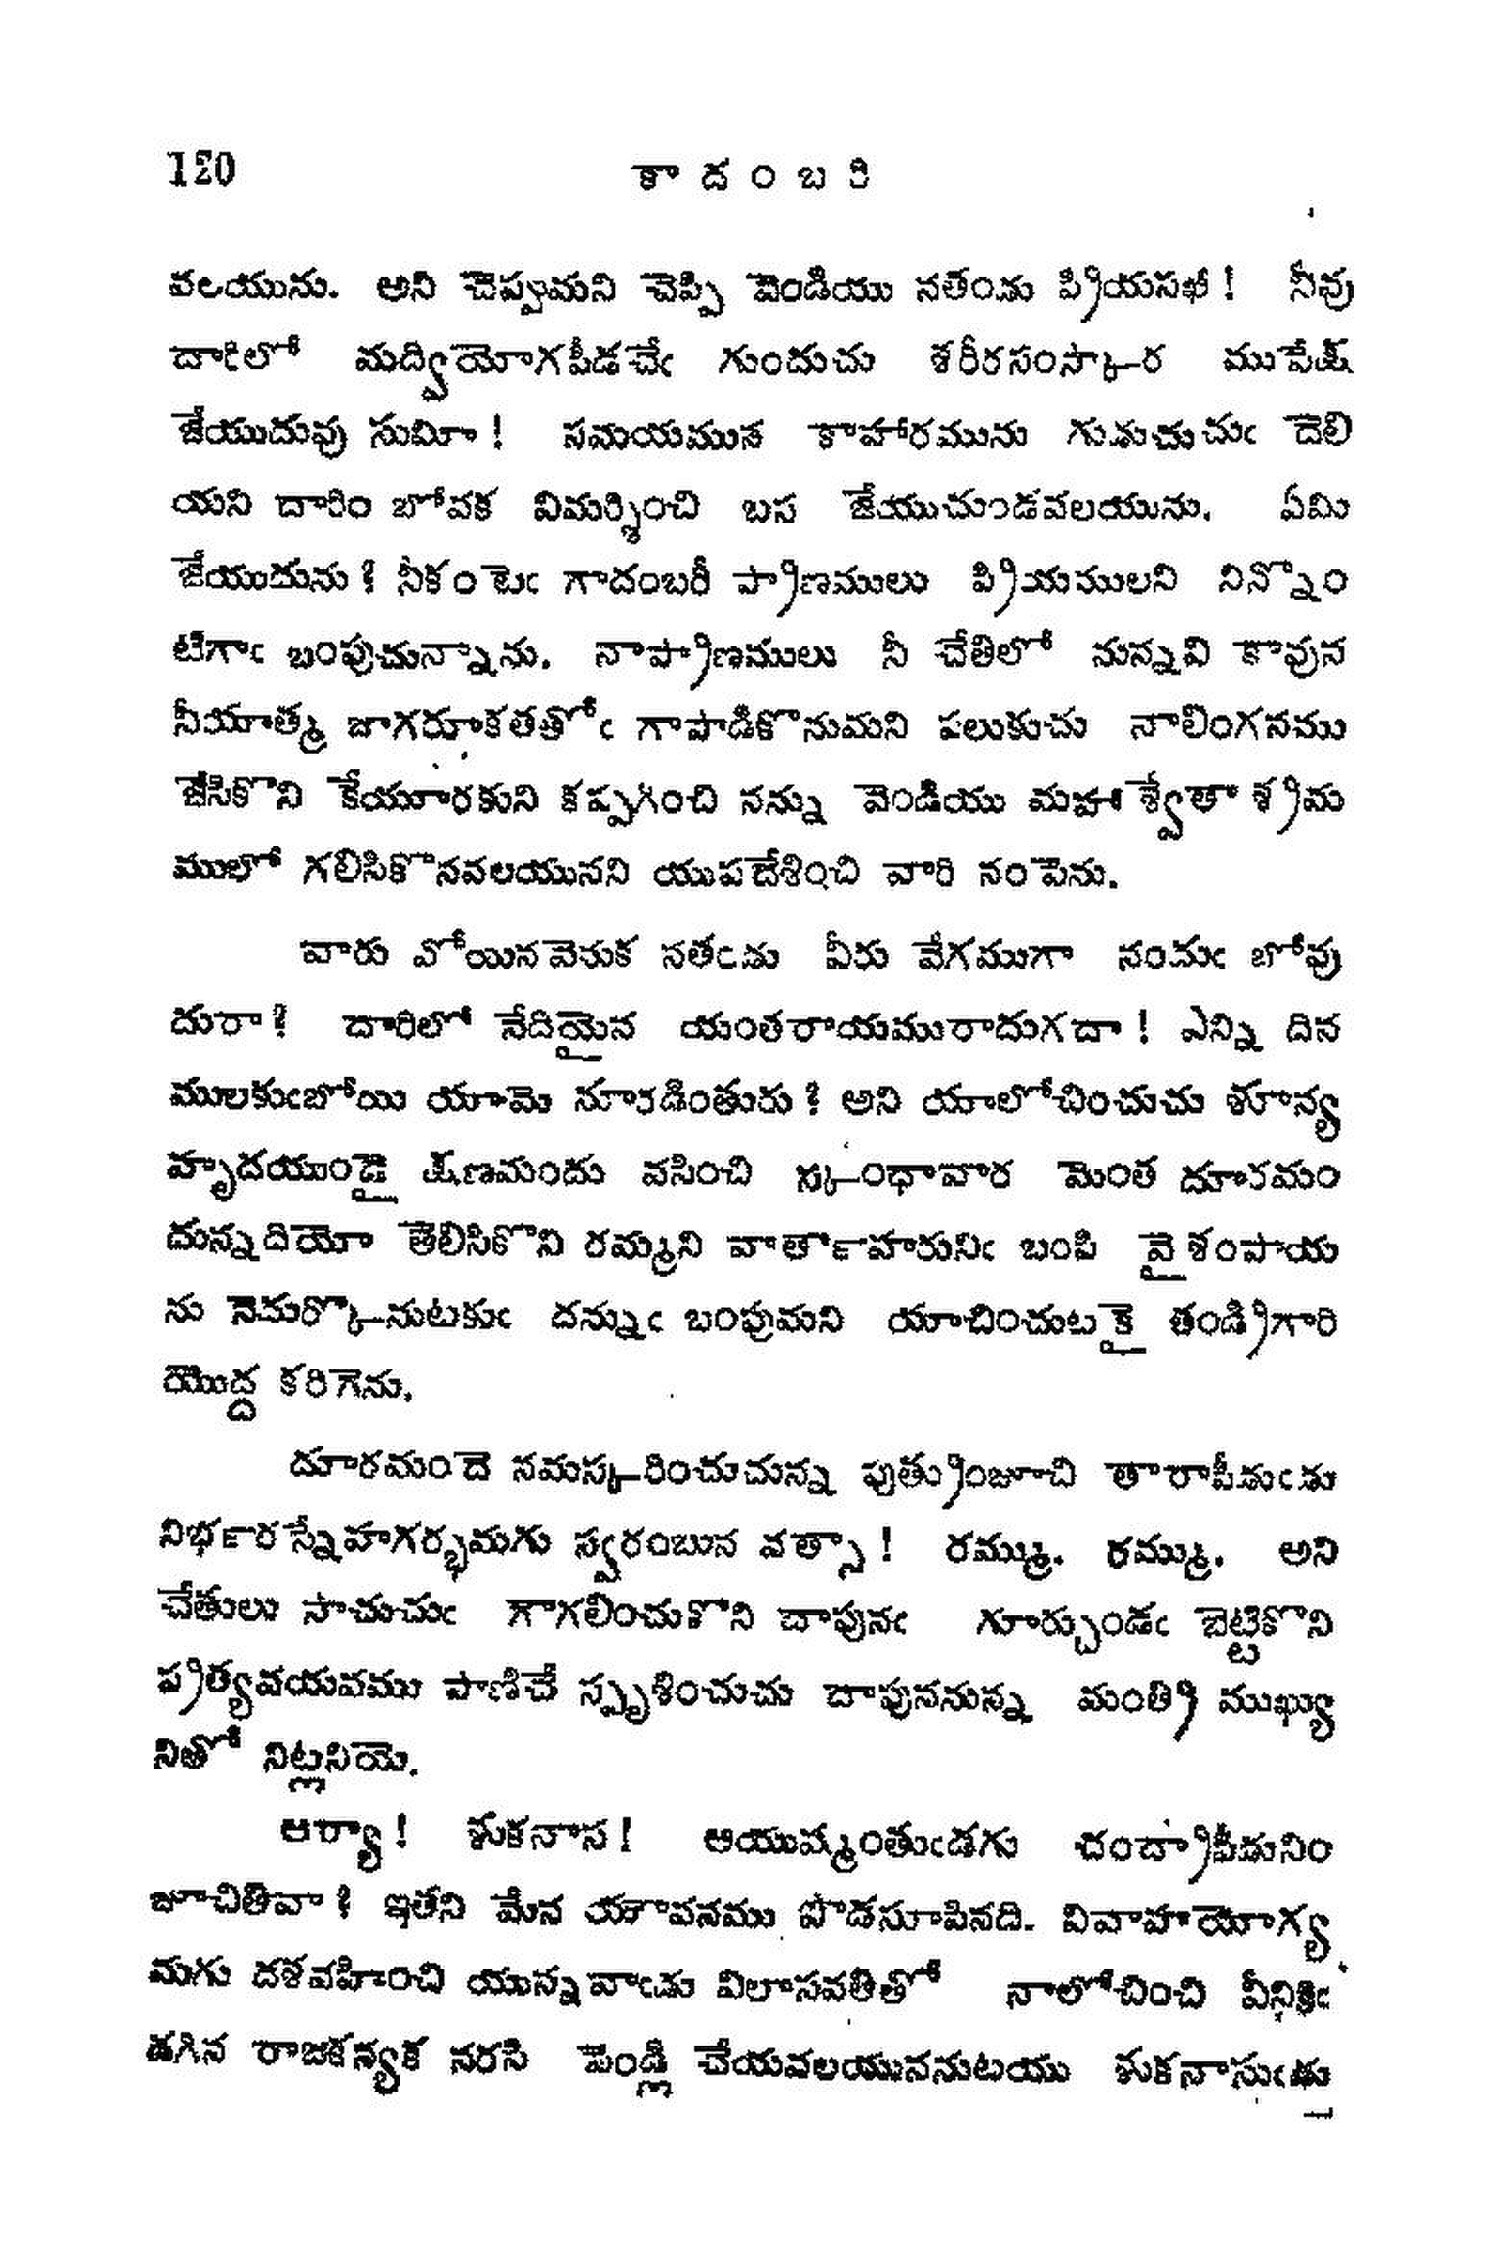వలయును. అని చెప్పుమని చెప్పి వెండియు నతండు ప్రియసఖీ! నీవు దారిలో మద్వియోగపీడచేఁ గుందుచు శరీరసంస్కార ముపేక్ష జేయుదువు సుమీ! సమయమున కాహారమును గుడుచుచుఁ దెలియని దారిం బోవక విమర్శించి బస జేయుచుండవలయును. ఏమి జేయుదును? నీకంటెఁ గాదంబరీ ప్రాణములు ప్రియములని నిన్నొంటిగాఁ బంపుచున్నాను. నాప్రాణములు నీ చేతిలో నున్నవి కావున నీయాత్మ జాగరూకతతోఁ గాపాడికొనుమని పలుకుచు నాలింగనము జేసికొని కేయూరకుని కప్పగించి నన్ను వెండియు మహాశ్వేతాశ్రమములో గలిసికొనవలయునని యుపదేశించి వారి నంపెను.

వారు వోయినవెనుక నతండు వీరు వేగముగా నందుఁ బోవుదురా? దారిలో నేదియైన యంతరాయమురాదుగదా! ఎన్నిదినములకుఁబోయి యామె నూరడింతురు? అని యాలోచించుచు శూన్య హృదయుండై క్షణమందు వసించి స్కంధావార మెంత దూరమం దున్నదియో తెలిసికొని రమ్మని వాతా౯హరునిఁ బంపి వైశంపాయను నెదుర్కొనుటకుఁ దన్నుఁ బంపుమని యాచించుటకై తండ్రిగారి యొద్ద కరిగెను.

దూరమందె నమస్కరించుచున్న పుత్రుంజూచి తారాపీడుఁడు నిభ౯రస్నేహగర్భమగు స్వరంబున వత్సా! రమ్ము. రమ్ము. అని చేతులు సాచుచుఁ గౌగలించుకొని దాపునఁ గూర్చుండఁ బెట్టికొని ప్రత్యవయవము పాణిచే స్పృశించుచు దాపుననున్న మంత్రి ముఖ్యునితో నిట్లనియె.

ఆర్యా! శుకనాస! ఆయుష్మంతుఁడగు చంద్రాపీడునిం జూచితివా? ఇతని మేన యౌవనము పొడసూపినది. వివాహయోగ్యమగు దశవహించి యున్నవాఁడు విలాసవతితో నాలోచించి వీనికిఁ దగిన రాజకన్యక నరసి పెండ్లి చేయవలయుననుటయు శుకనాసుఁడు